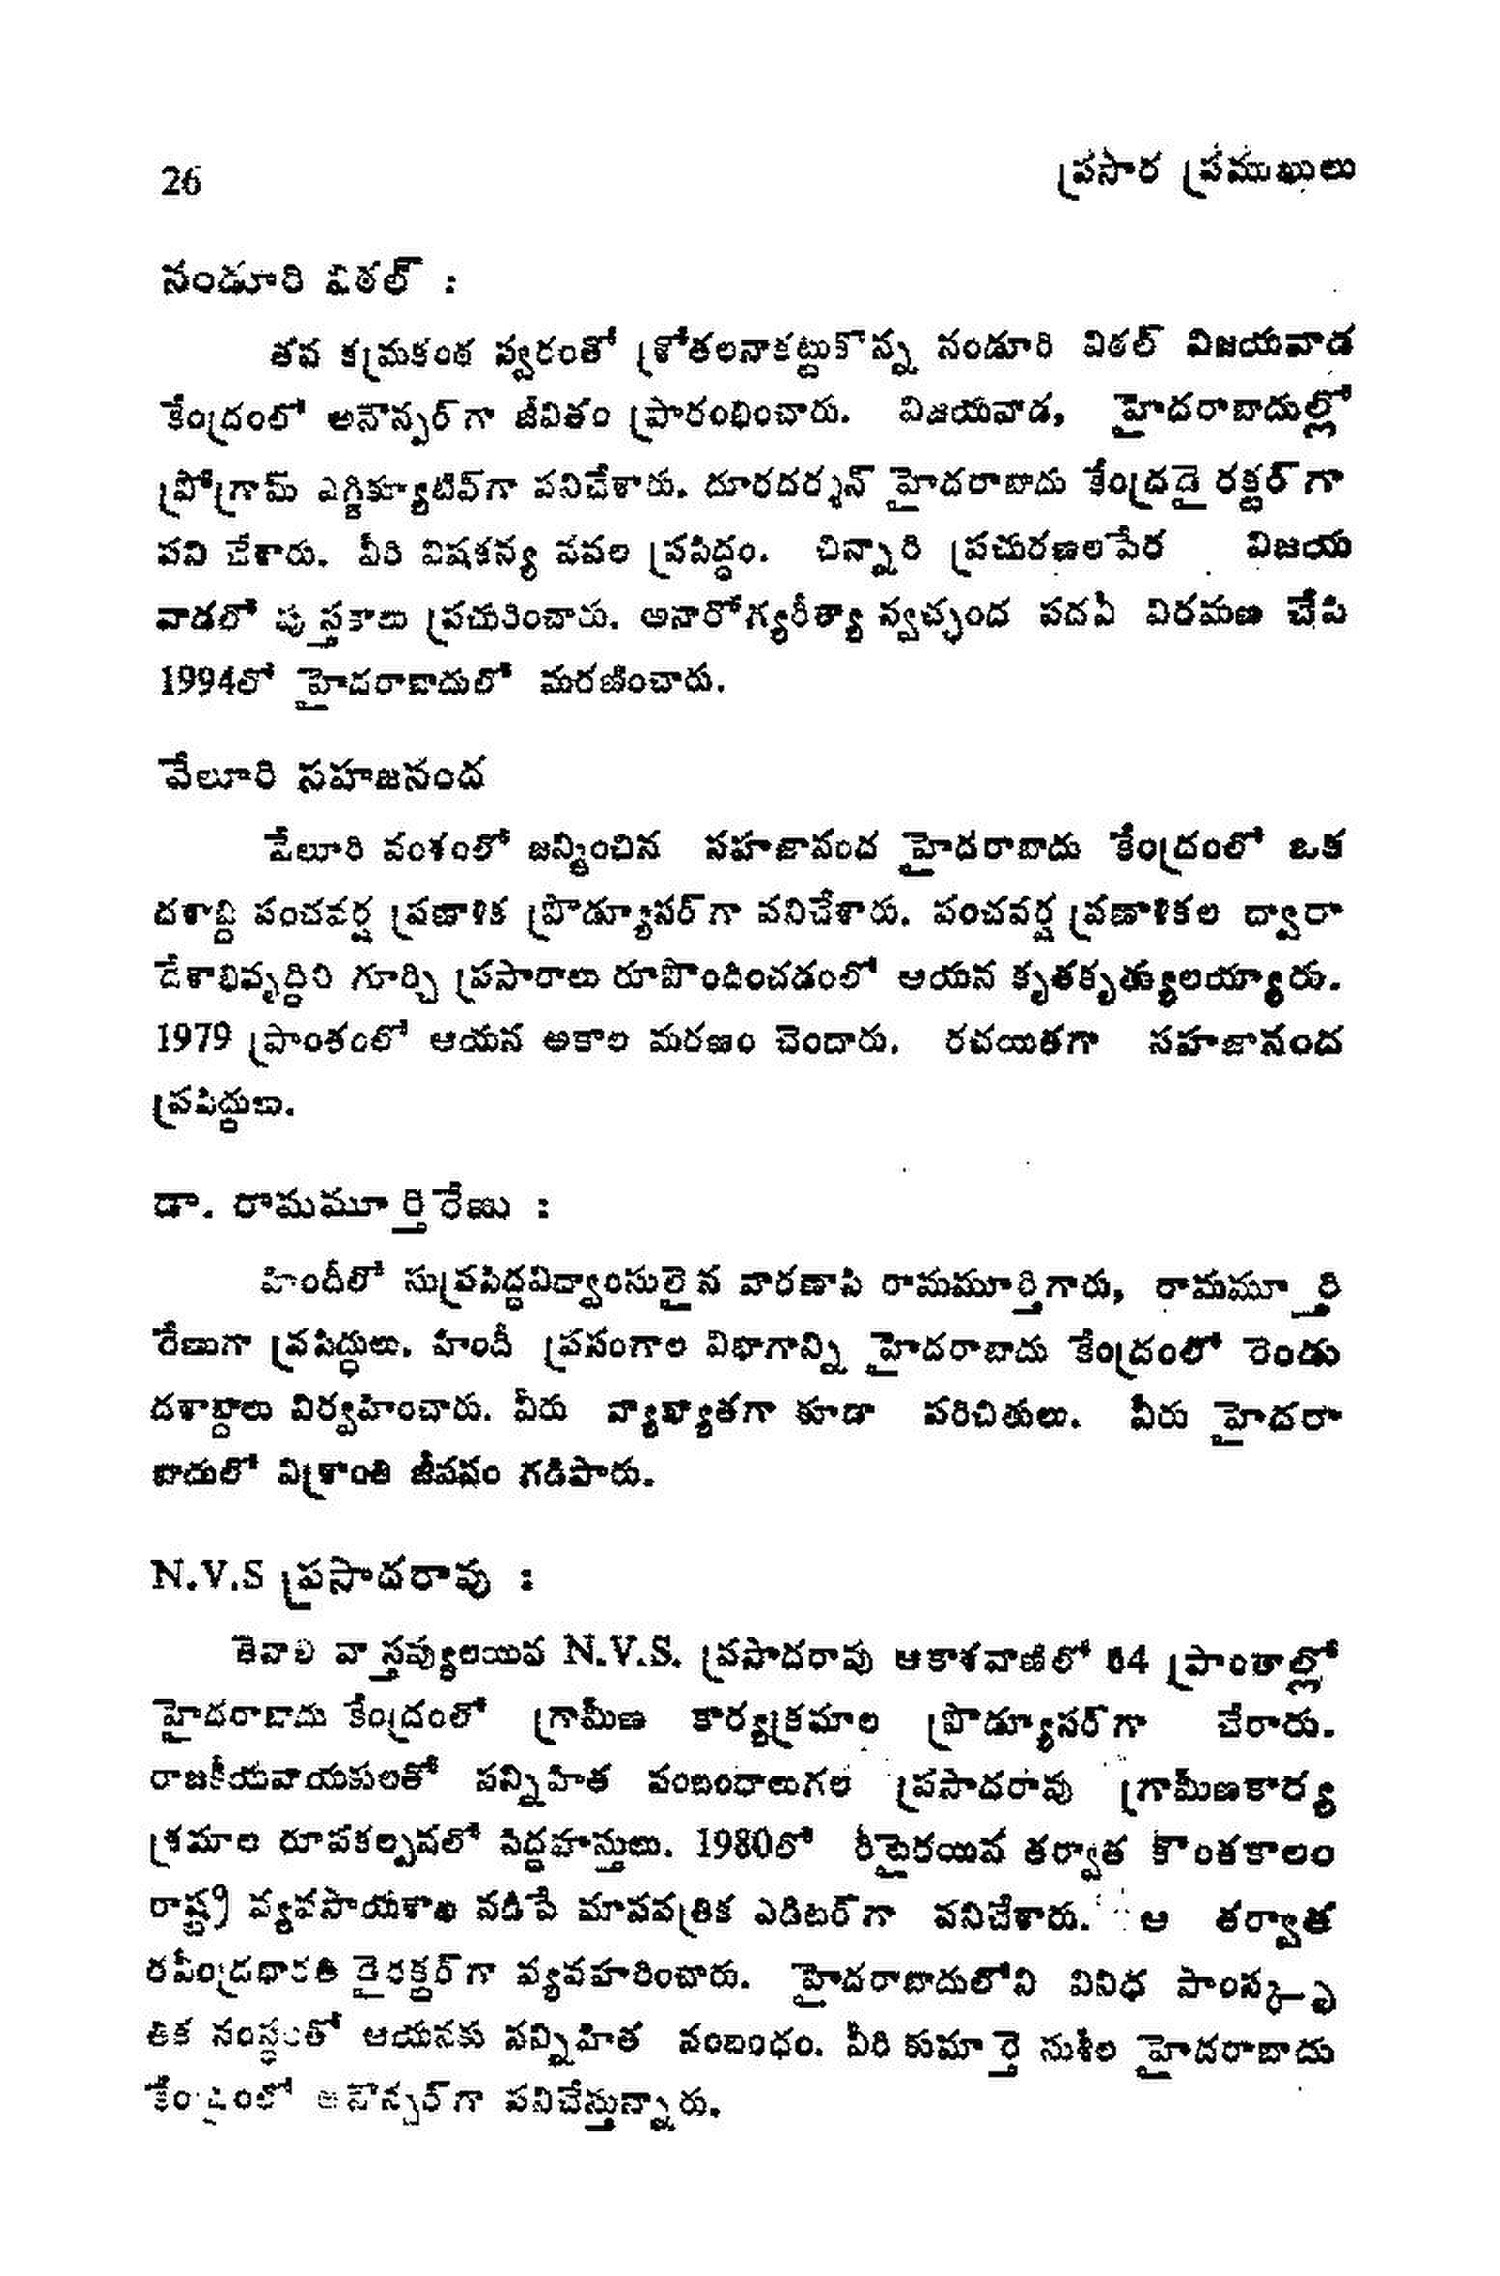తన కమ్రకంఠ స్వరంతో శ్రోతల నాకట్టుకొన్న నండూరి విఠల్ విజయవాడ కేంద్రలో అనౌన్సర్ గా జీవితం ప్రారంభించారు. విజయవాడ, హైదరాబాదుల్లో ప్రోగ్రాం ఎగ్జిక్యూటివ్ గా పనిచేసారు. దూరదర్శన్ హైదరాబాదు కేంద్ర డైరక్టర్ గా పని చేశారు. వీరి విషకన్య నవల ప్రసిద్ధం. చిన్నారి ప్రచురణలపేర విజయవాడలో పుస్తకాలు ప్రచురించారు. అనారోగ్య రీత్యా స్వచ్చంద పదవీ విరమణ చేసి 1994 లో హైదరాబాదులో మరణించారు.

వేలూరి వంశంలో జన్మించిన సహజానంద హైదరాబాదు కేంద్రంలో ఒక దశాబ్ది పంచ వర్ష ప్రణాళిక ప్రొడ్యూసర్ గా పని చేశారు. పంచవర్ష ప్రణాలికల ద్వారా దేశాభివృద్ధిని గూర్చి ప్రచారాలు రూపొందించడములో ఆయన కృత కృత్యులయ్యారు. 1979 ప్రాంతంలో ఆయన అకాల మరణం చెందారు. రచయితగా సహజానంద ప్రసిద్ధులు.

హిందీలో సుప్రసిద్ధవిద్వాంసులైన వారణాసి రామమూర్తి గారు, రామమూర్తి రేణుగా ప్రసిద్ధులు. హిందీ ప్రసంగాల విభాగాన్ని హైదరాబాదు కేంద్రంలో రెండు దశాబ్దాలు నిర్వహించారు. వీరు వ్యాఖ్యాతగా కూడ పరిచితురు. వీరు హైదరాబాదులో విశ్రాంతి జీవన గడిపారు.

తెనాలి వాస్తవ్యులయిన N.V.S ప్రసాద రావు ఆకాశవాణిలో 64 ప్రాంతాల్లో హైదరాబాదు కేంద్రంలో గ్రామీణ కార్యక్రమాల ప్రొడ్యూసర్ గా చేరారు. రాజకీయ నాయకులతో సన్నిహిత సంబందాలు గల ప్రసాదరావు గ్రామీణ కార్యక్రమాల రూప కల్పనలో సిద్ధ హస్తులు. 1980 లో రిటైర్ అయిన తర్వాత కొంత కాలం రాష్ట్ర వ్వవసాయశాఖ నడిపే మాస ప్రత్రిక ఎడిటర్ గా పని చేశారు. ఆ తర్వాత రవీంద్ర భారతి డైరక్టర్ గా వ్వవరించారు. హైదరాబాదు లోని వివిధ సాంస్కృతిక సంస్థలతో ఆయనకు సన్నిహిత సంబంధం. వీరి కుమార్తె సుశీల హైదరాబాదు కేంద్రంలో అనౌన్సర్ గా పనిచేస్తున్నారు.